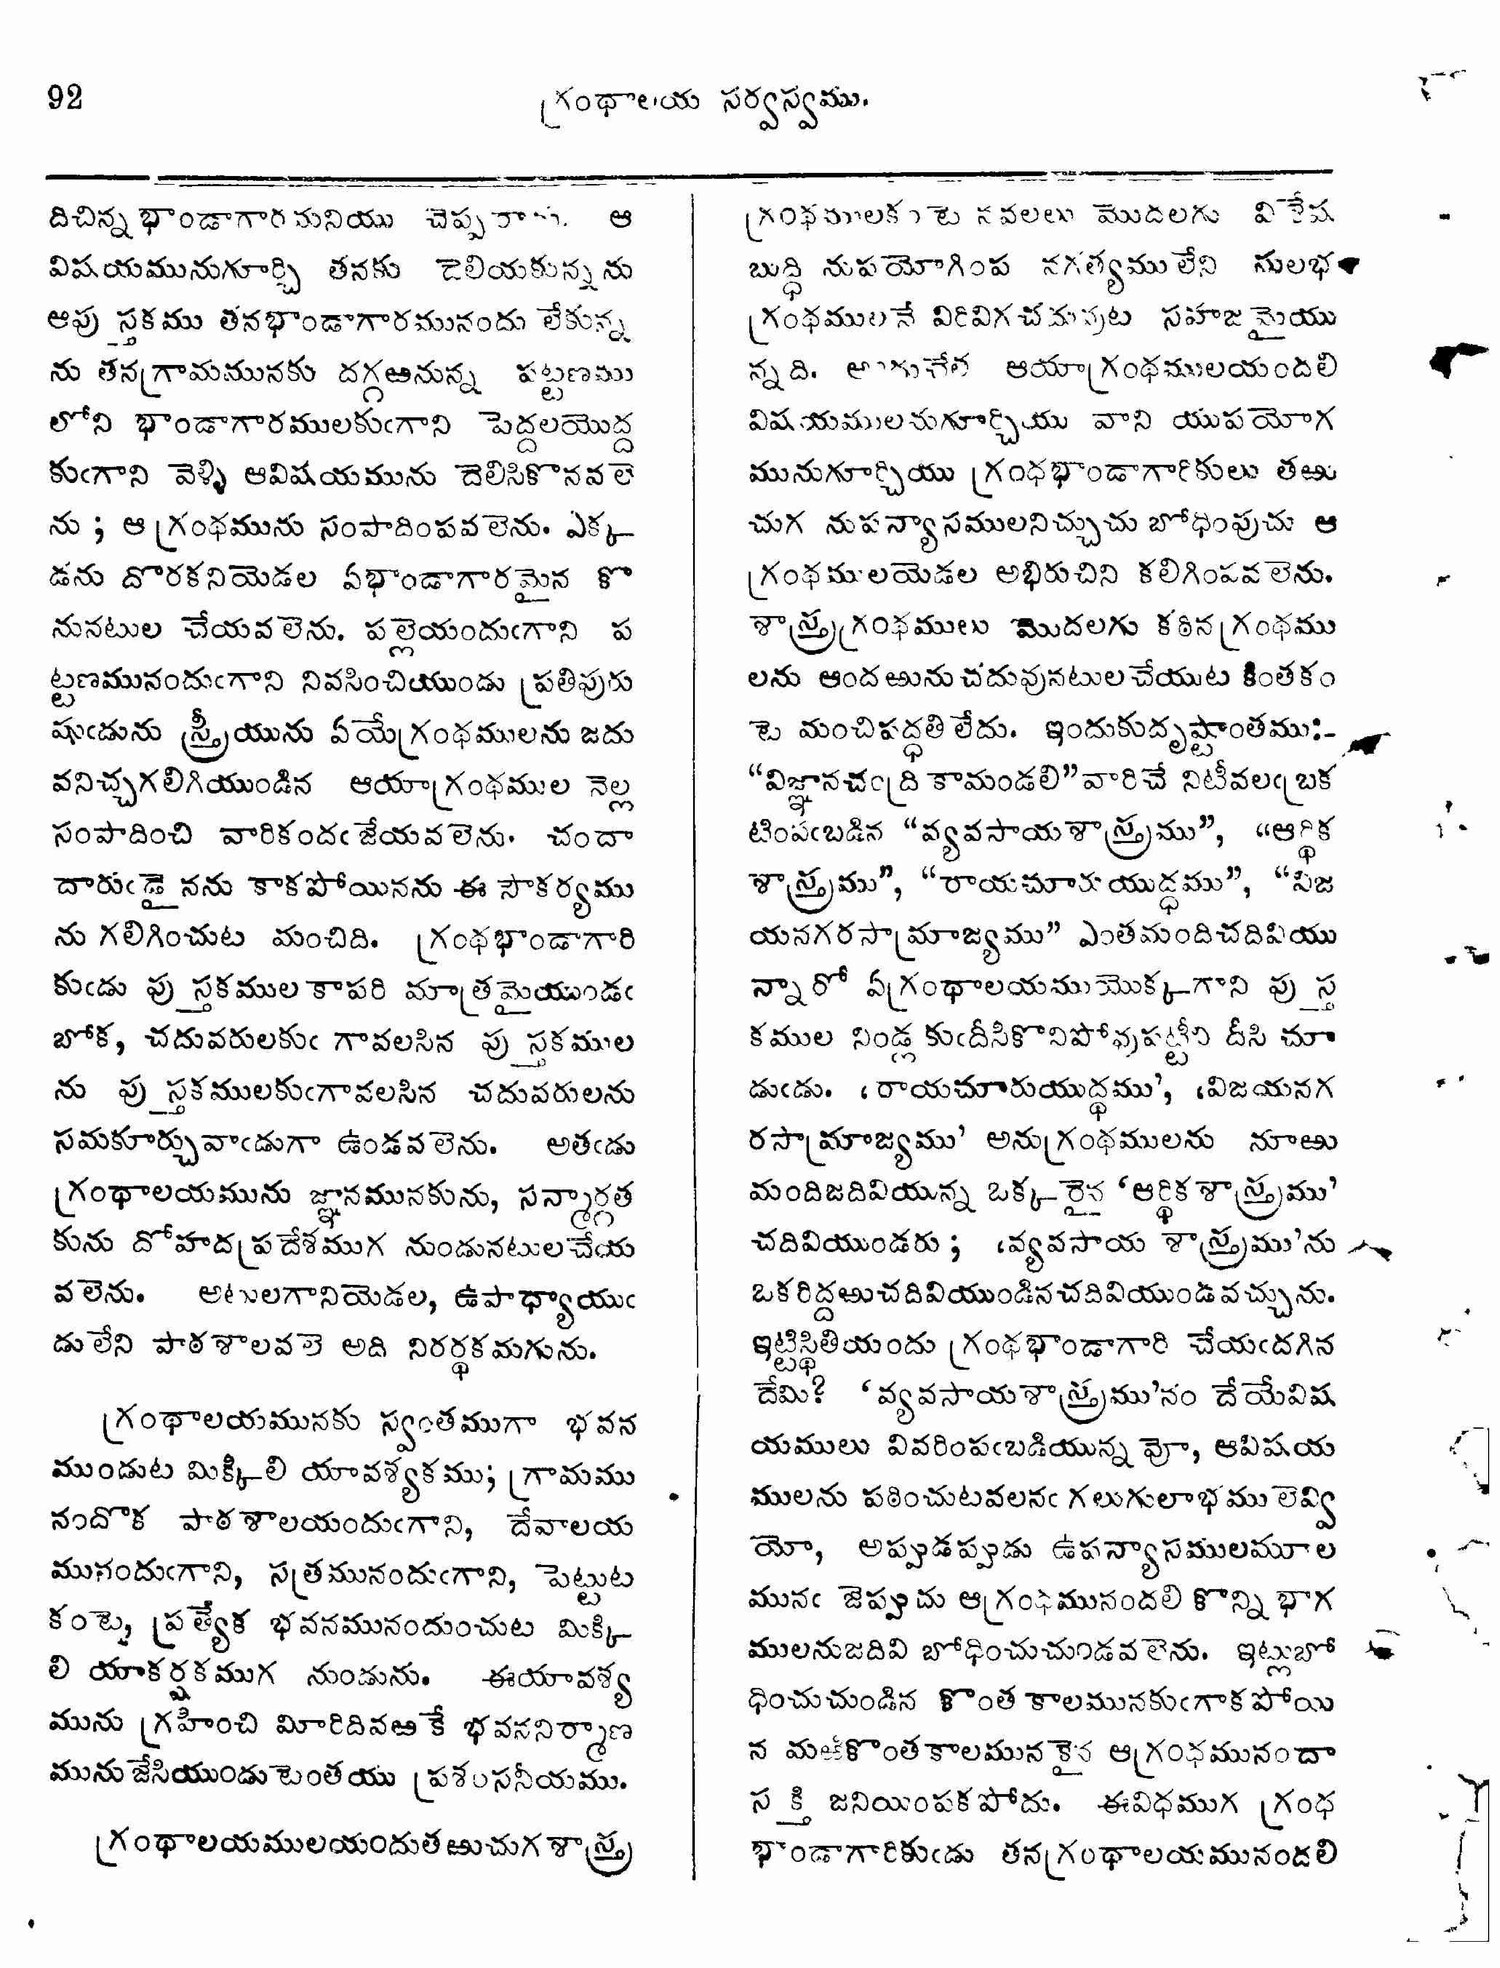దిచిన్న భాండాగారమనియు చెప్పకాదు
విషయమునుగూర్చి తనకు దెలియకున్నను
ఆపుస్తకము తనభాండాగారమునందు లేకున్న
ను తనగ్రామమునకు దగ్గనున్న పట్టణము
లోని భాండాగారములకుఁ గాని పెద్దలయొద్ద
కుఁగాని వెళ్ళి ఆవిషయమును దెలిసికొనవలె
ను; ఆ గ్రంథమును సంపాదింపవలెను. ఎక్కడను దొరకనియెడల ఏభాండాగారమైన కొనునటుల చేయవలెను. పల్లెయందుఁగాని పట్టణమునందుఁగాని నివసించియుండు ప్రతి పురుషుఁడును స్త్రీయును ఏయేగ్రంథములను జదువనిచ్చగలిగియుండిన ఆయా గ్రంథములు నెల్ల
సంపాదించి వారికందఁ జేయవలెను. చందా దారుఁడైనను కాకపోయినను ఈ సౌకర్యమును గలిగించుట మంచిది. గ్రంథ భాండాగారికుఁడు పుస్తకముల కాపరి మాత్రమైయుండఁబోక, చదువరులకుఁ గావలసిన పుస్తకములను పుస్తకములకుఁగావలసిన చదువరులను
సమకూర్చువాఁడుగా ఉండవలెను.
గ్రంథాలయమును జ్ఞానమునకును, సన్మార్గతకును దోహద ప్రదేశముగ నుండునటుల చేయవలెను. అటులగానియెడల, ఉపాధ్యాయుఁడు లేని పాఠశాలవలె అది నిరర్థకమగును.
గ్రంథాలయమునకు స్వంతముగా భవనముండుట మిక్కిలి యావశ్యకము; గ్రామమునందొక పాఠశాలయందుఁగాని, దేవాలయమునందుఁగాని, సత్రమునందుఁగాని, పెట్టుటకంటె, ప్రత్యేక భవనమునందుంచుట మిక్కిలి యాకర్షకముగ నుండును. ఈయావశ్యమును గ్రహించి మీరిదినఱకే భవననిర్మాణమును జేసియుండు టెంతయు ప్రశంసనీయము.
గ్రంథాలయములయందు తఱుచుగ శాస్త్ర గ్రంథములకంటే నవలలు మొదలగు విశేష
బుద్ధి నుపయోగింపనగత్యము లేని సులభం గ్రంథములనే విరివిగచదువుట సహజమైయున్నది. అందుచేత ఆయా గ్రంథములయందలి
విషయములను గూర్చియు వాని యుపయోగమునుగూర్చియు గ్రంధభాండాగారికులు తఱుచుగ నుపన్యాసములనిచ్చుచు బోధింపుచు ఆగ్రంథములయెడల అభిరుచిని కలిగింపవలెను.
శాస్త్రగ్రంథములు మొదలగు కఠిన గ్రంథములను అందఱును చదువునటుల చేయుట కింతకంటె మంచి పద్దతి లేదు. ఇందుకుదృష్టాంతము:-
“విజ్ఞానచంద్రి కామండలి” వారిచే నిటీవలఁ బ్రక
టింపఁబడిన “వ్యవసాయశాస్త్రము”, “ఆర్థిక
శాస్త్రము”, “రాయచూరు యుద్ధము”,
విజయనగరసామ్రాజ్యము” ఎంతమంది చదివియున్నారో ఏ గ్రంథాలయము యొక్క గాని పుస్తకముల నిండ్ల కుఁదీసికొనిపోవుపట్టీని దీసి చూ
డుఁడు. (రాయచూరుయుద్ధము', విజయనగ
రసామ్రాజ్యము' అనుగ్రంథములను నూఱు
మంది జదివియున్న ఒక్కరైన 'ఆర్థికశాస్త్రము'
చదివియుండరు ; వ్యవసాయ శాస్త్రము'ను
ఒకరిద్దఱు చదివియుండిన చదివియుండవచ్చును.
ఇట్టిస్థితియందు గ్రంథ భాండాగారి చేయఁదగిన
దేమి? 'వ్యవసాయశాస్త్రమునం దేయేవిషయములు వివరింపఁబడియున్నయో, ఆవిషయములను పఠించుటవలనఁ గలుగు లాభము లెవ్వియో, అప్పుడప్పుడు ఉపన్యాసములమూలమునఁ జెప్పుచు అగ్రంథమునందలి కొన్ని భాగములనుజదివి బోధించుచుండవలెను. ఇట్లు బోధించుచుండిన కొంత కాలమునకుఁగాక పోయిన మఱికొంత కాలమున కైన ఆగ్రంధమునందాసక్తి జనియింపకపోదు. ఈవిధముగ గ్రంధభాండాగారికుఁడు తన గ్రంథాలయమునందలి పుస్తకములను గూర్చి తఱముగాఁ జెప్పుచు జనుల నాకర్షించి, వారియభ్యుదయ పరంపరకుఁ గారణభూతుఁడై తనరవలెను.